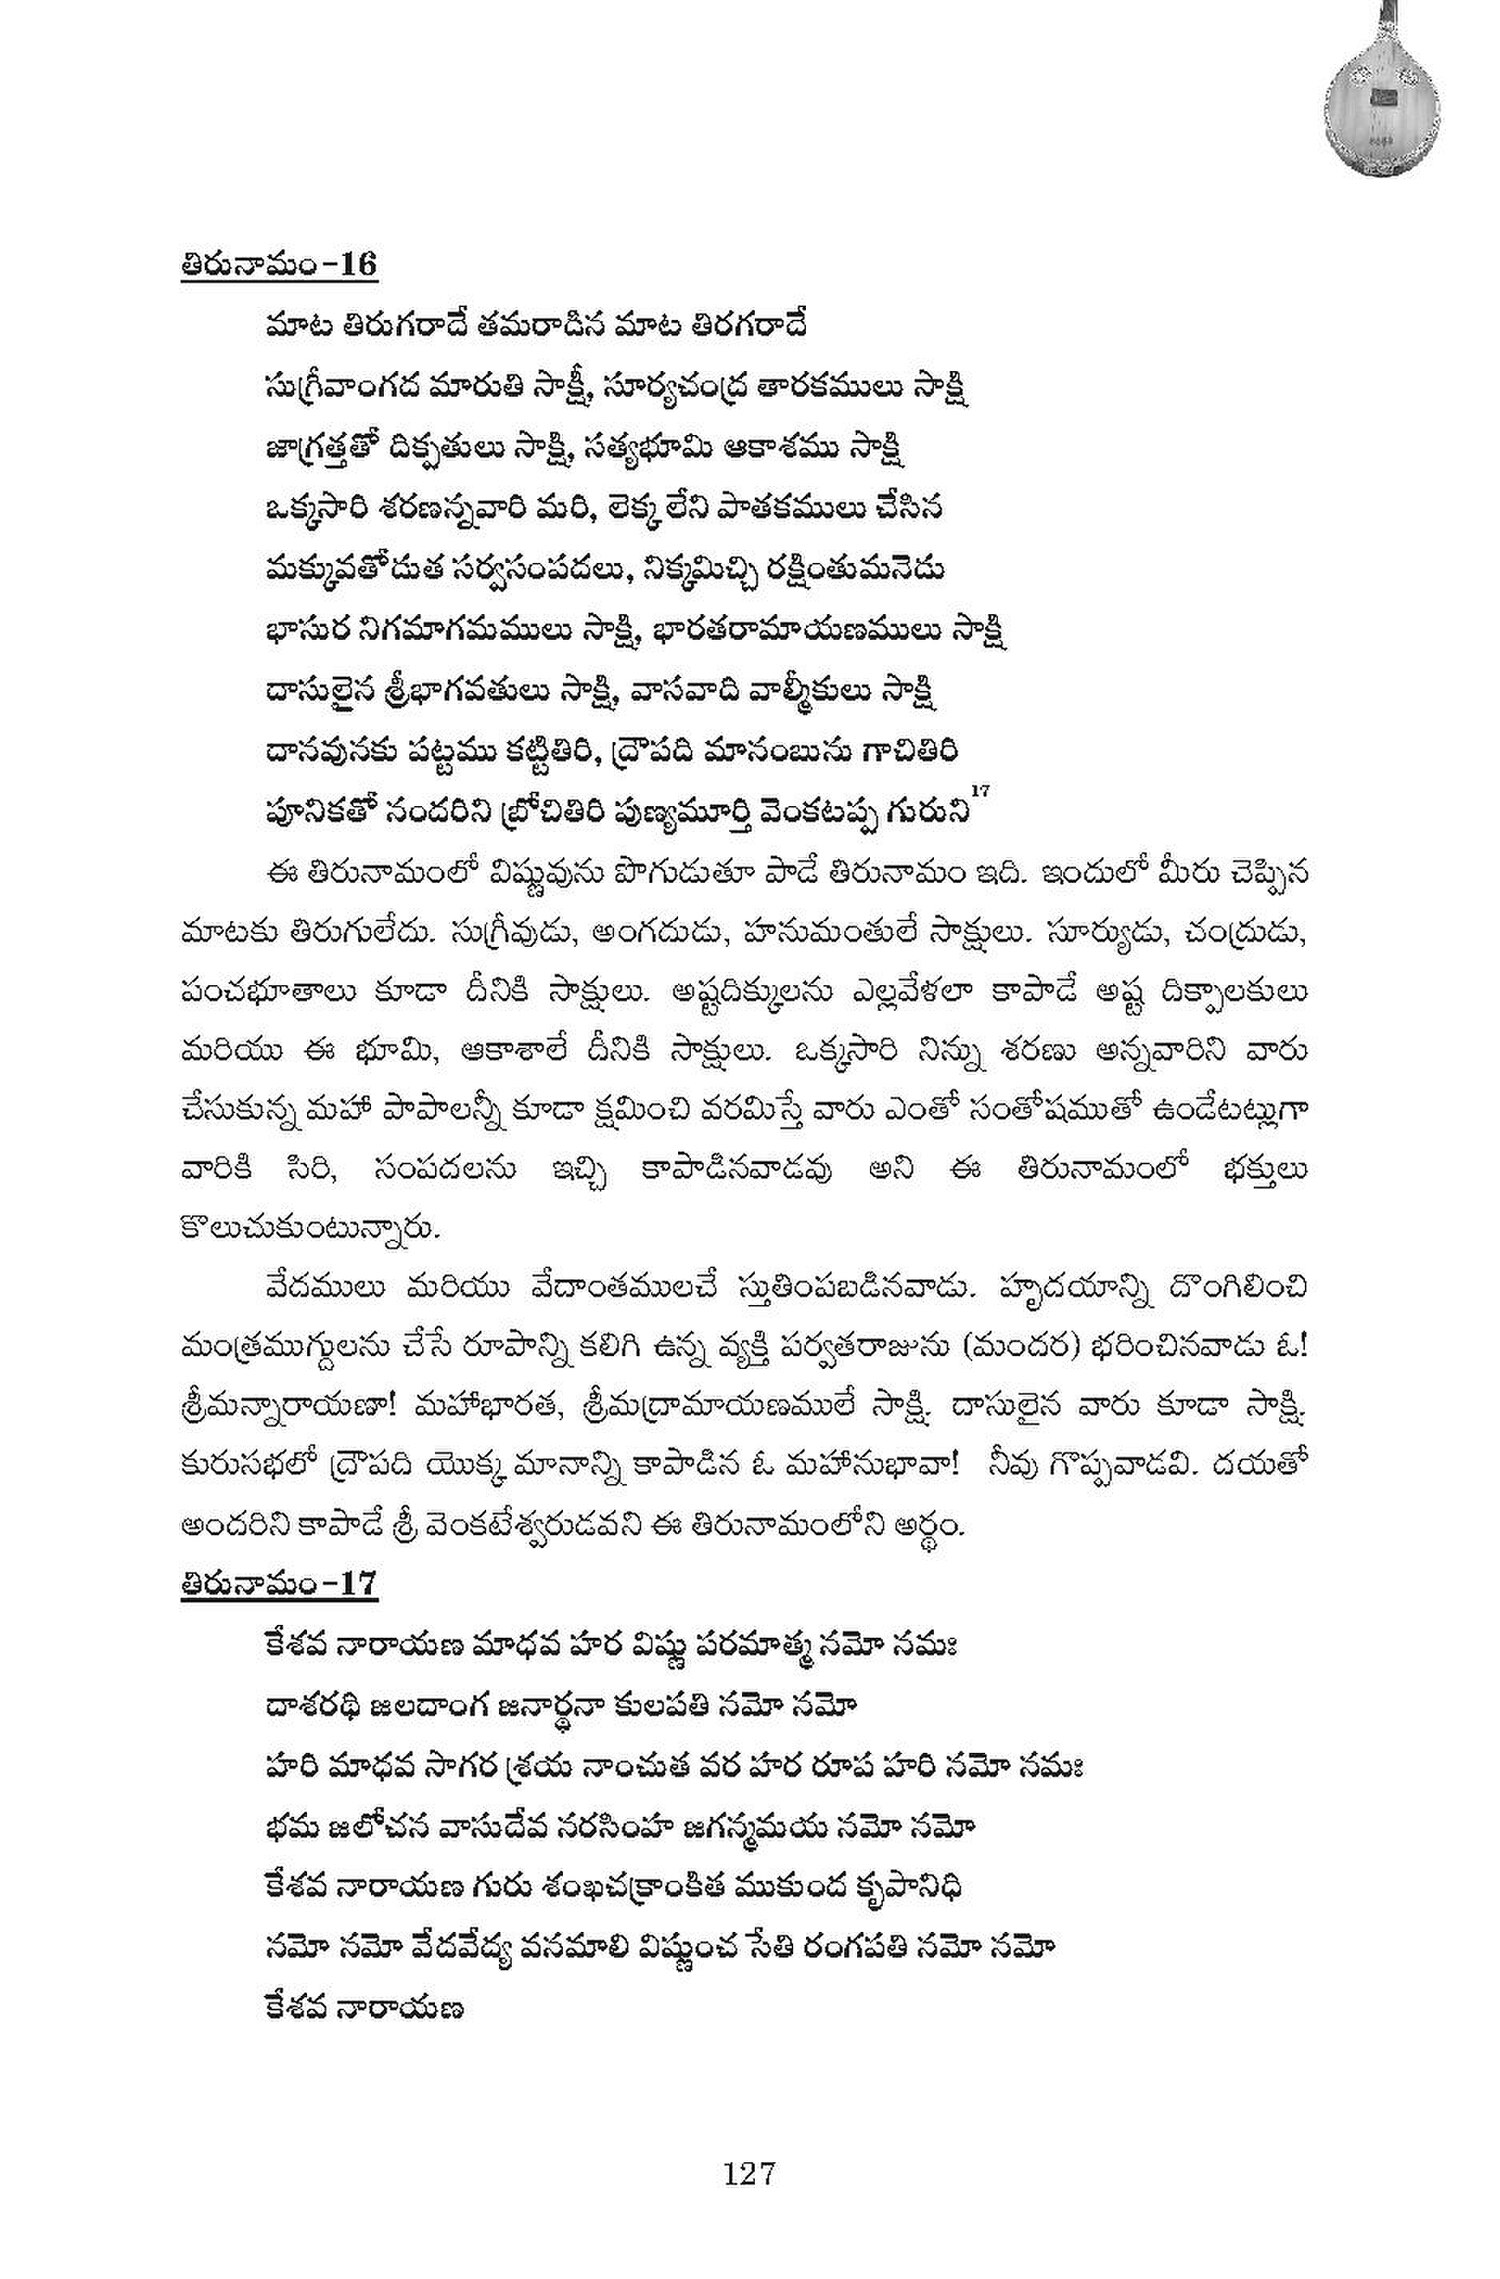తిరునామం - 16

మాట తిరుగరాదే తమరాడిన మాట తిరగరాదే
సుగ్రీవాంగద మారుతి సాక్షి, సూర్యచంద్ర తారకములు సాక్షి
జాగ్రత్తతో దిక్పతులు సాక్షి, సత్యభూమి ఆకాశము సాక్షి
ఒక్కసారి శరణన్నవారి మరి, లెక్కలేని పాతకములు చేసిన
మక్కువతోదుత సర్వసంపదలు, నిక్కమిచ్చి రక్షింతుమనెడు
భాసుర నిగమాగమములు సాక్షి, భారతరామాయణములు సాక్షి
దాసులైన శ్రీభాగవతులు సాక్షి, వాసవాది వాల్మీకులు సాక్షి
దానవునకు పట్టము కట్టితిరి, ద్రౌపది మానంబును గాచితిరి
పూనికతో నందరిని బ్రోచితిరి పుణ్యమూర్తి వెంకటప్ప గురుని17

ఈ తిరునామంలో విష్ణువును పొగుడుతూ పాడే తిరునామం ఇది. ఇందులో మీరు చెప్పిన మాటకు తిరుగులేదు. సుగ్రీవుడు, అంగదుడు, హనుమంతులే సాక్షులు. సూర్యుడు, చంద్రుడు, పంచభూతాలు కూడా దీనికి సాక్షులు. అష్టదిక్కులను ఎల్లవేళలా కాపాడే అష్ట దిక్పాలకులు మరియు ఈ భూమి, ఆకాశాలే దీనికి సాక్షులు. ఒక్కసారి నిన్ను శరణు అన్నవారిని వారు చేసుకున్న మహా పాపాలన్నీ కూడా క్షమించి వరమిస్తే వారు ఎంతో సంతోషముతో ఉండేటట్లుగా వారికి సిరి, సంపదలను ఇచ్చి కాపాడినవాడవు అని ఈ తిరునామంలో భక్తులు కొలుచుకుంటున్నారు.

వేదములు మరియు వేదాంతములచే స్తుతింపబడినవాడు. హృదయాన్ని దొంగిలించి మంత్రముగ్ధులను చేసే రూపాన్ని కలిగి ఉన్న వ్యక్తి పర్వతరాజును (మందర) భరించినవాడు ఓ! శ్రీమన్నారాయణా! మహాభారత, శ్రీమద్రామాయణములే సాక్షి. దాసులైన వారు కూడా సాక్షి. కురుసభలో ద్రౌపది యొక్క మానాన్ని కాపాడిన ఓ మహానుభావా! నీవు గొప్పవాడవి. దయతో
అందరిని కాపాడే శ్రీ వెంకటేశ్వరుడవని ఈ తిరునామంలోని అర్థం.

తిరునామం-17

కేశవ నారాయణ మాధవ హర విష్ణు పరమాత్మ నమో నమః
దాశరథి జలదాంగ జనార్థనా కులపతి నమో నమో
హరీ మాధవ సాగర శ్రయ నాంచుత వర హర రూప హరి నమో నమః
భమ జలోచన వాసుదేవ నరసింహ జగన్మమయ నమో నమో
కేశవ నారాయణ గురు శంఖచక్రాంకిత ముకుంద కృపానిధి
నమో నమో వేదవేద్య వనమాలి విష్ణుంచ సేతి రంగపతి నమో నమో
కేశవ నారాయణ